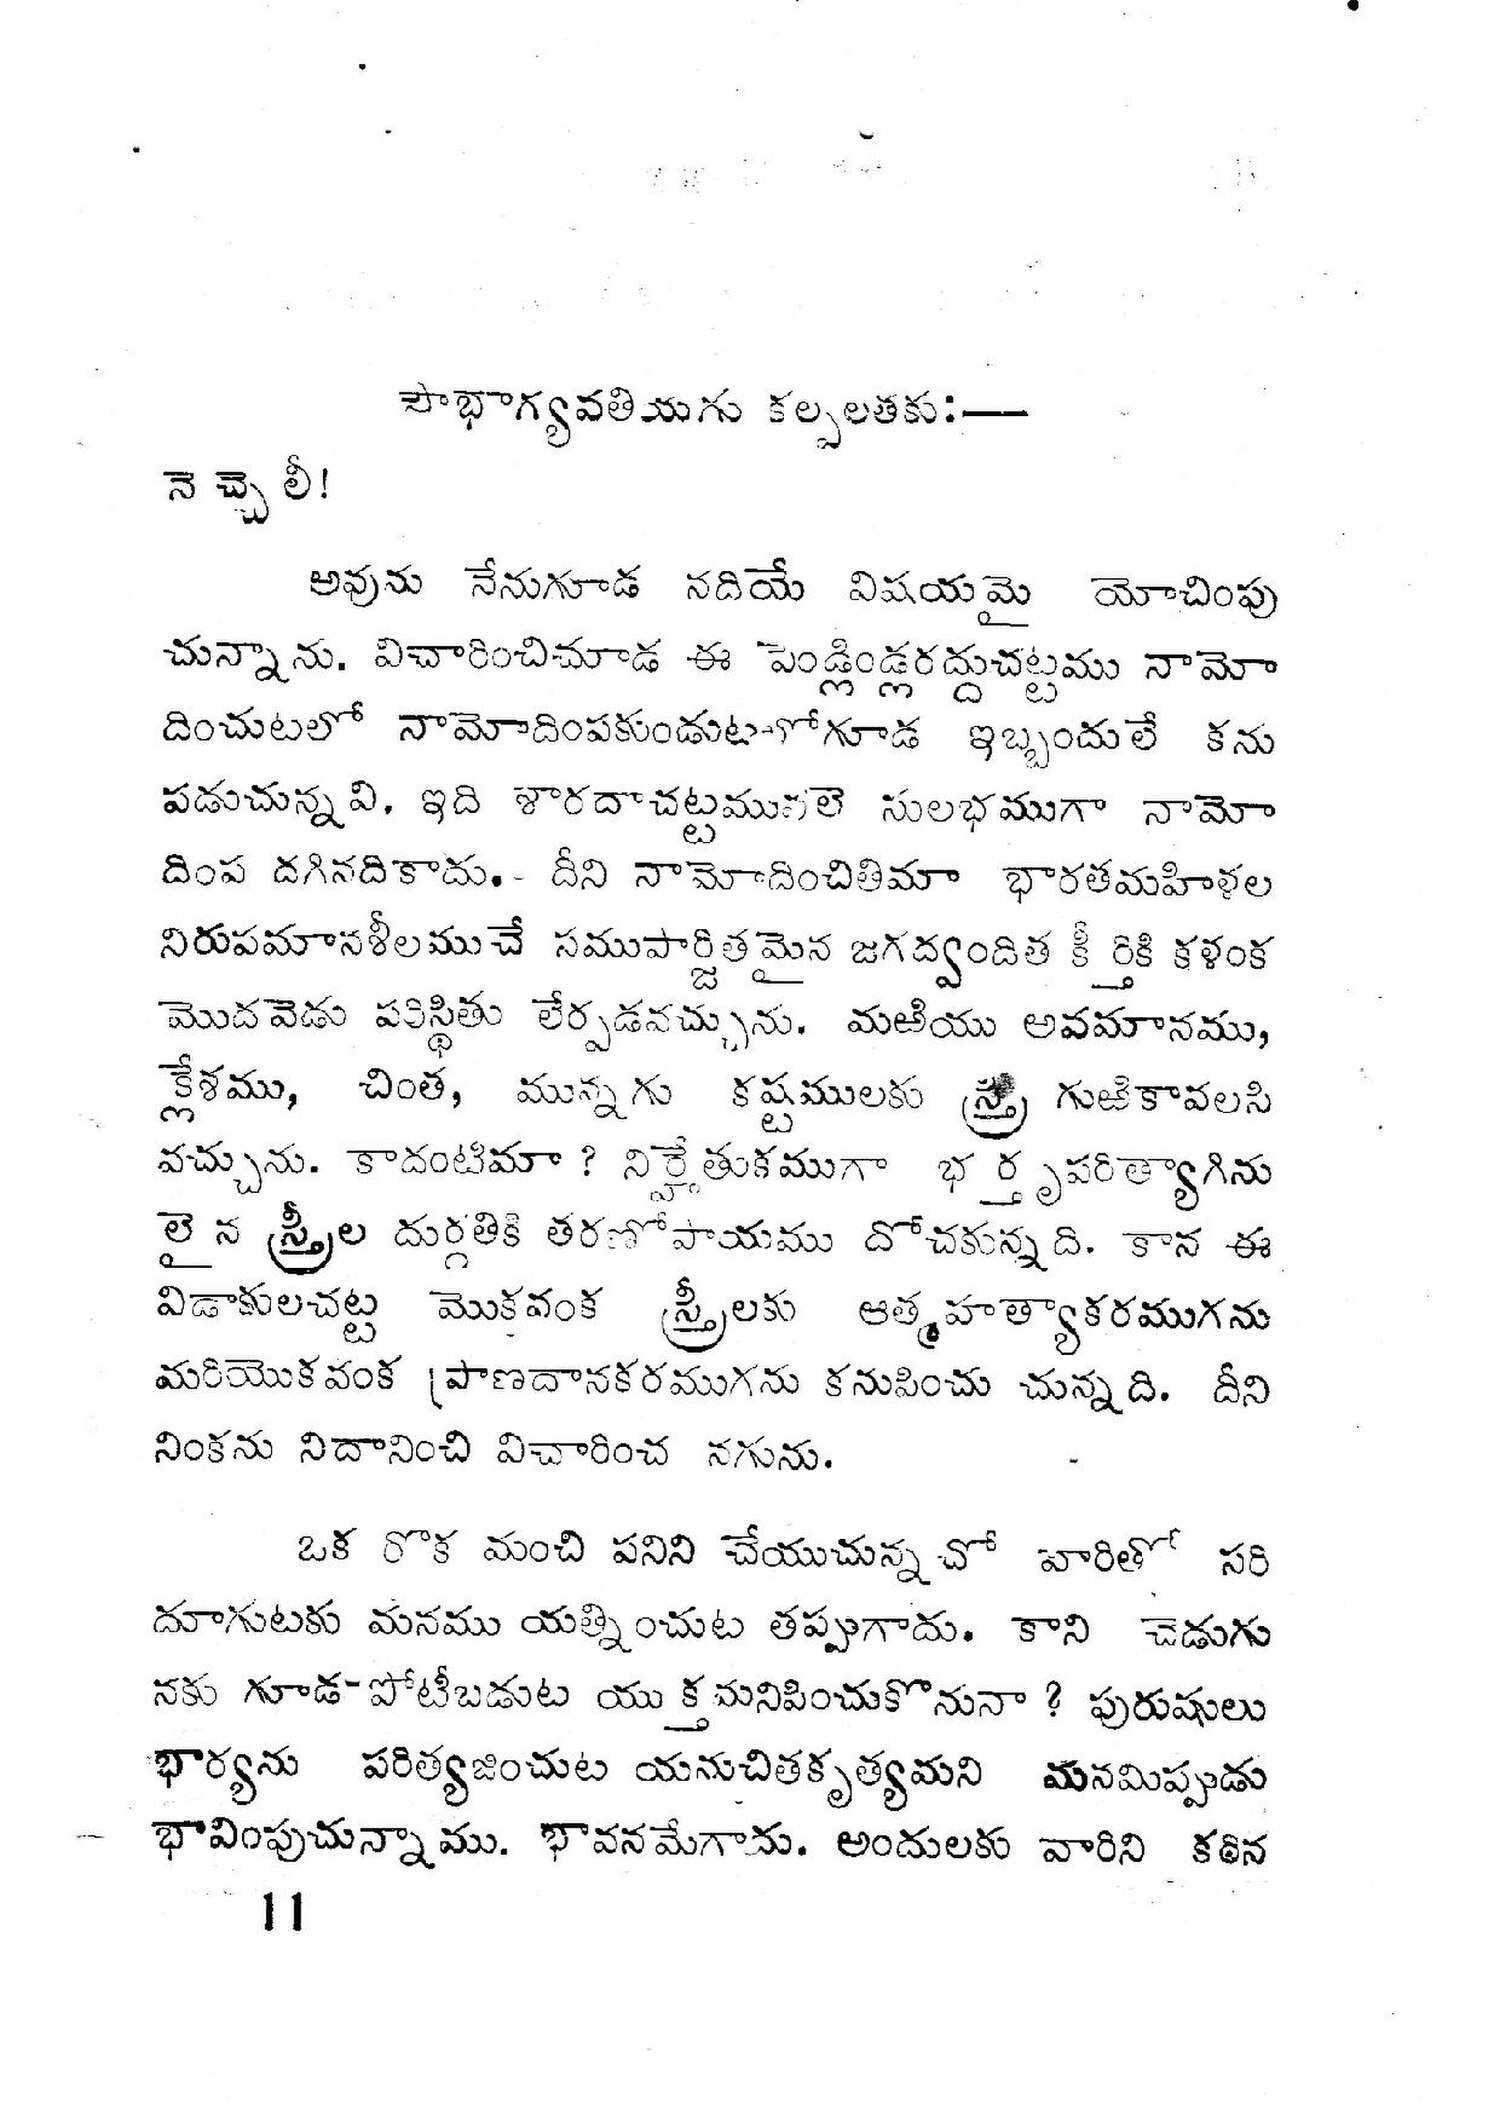నెచ్చెలీ !

అవును నేనుగూడ నదియే విషయమై యోచింపుచున్నాను. విచారించిచూడ ఈ పెండ్లిండ్లరద్దుచట్టము నామోదించుటలో నామోదింపకుండుటలోగూడ ఇబ్బందులే కనుపడుచున్నవి. ఇది శారదాచట్టమువలె సులభముగా నామోదింప దగినదికాదు. దీని నామోదించితిమా భారతమహిళల నిరుపమానశీలముచే సముపార్జితమైన జగద్వందిత కీర్తికి కళంకమొదవెడు పరిస్థితు లేర్పడవచ్చును. మఱియు అవమానము,
క్లేశము, చింత, మున్నగు కష్టములకు స్త్రీ గుఱికావలసి వచ్చును. కాదంటిమా? నిర్హేతుకముగా భర్తృపరిత్యాగినులైన స్త్రీల దుర్గతికి తరణోపాయము దోచుకున్నది. కాన ఈ విడాకులచట్ట మొకవంక స్త్రీలకు ఆత్మహత్యాకరముగను మరియొకవంక ప్రాణదానకరముగను కనుపించు చున్నది. దీని నింకను నిదానించి విచారించ నగును.

ఒక రొక మంచి పనిని చేయుచున్నచో వారితో సరిదూగుటకు మనము యత్నించుట తప్పుగాదు. కాని చెడుగునకు గూడ పోటీబడుట యుక్తమనిపించుకొనునా? పురుషులు భార్యను పరిత్యజించుట యనుచితకృత్యమని మనమిప్పుడు భావింపుచున్నాము. భావనమేగాదు. అందులకు వారిని కఠిన